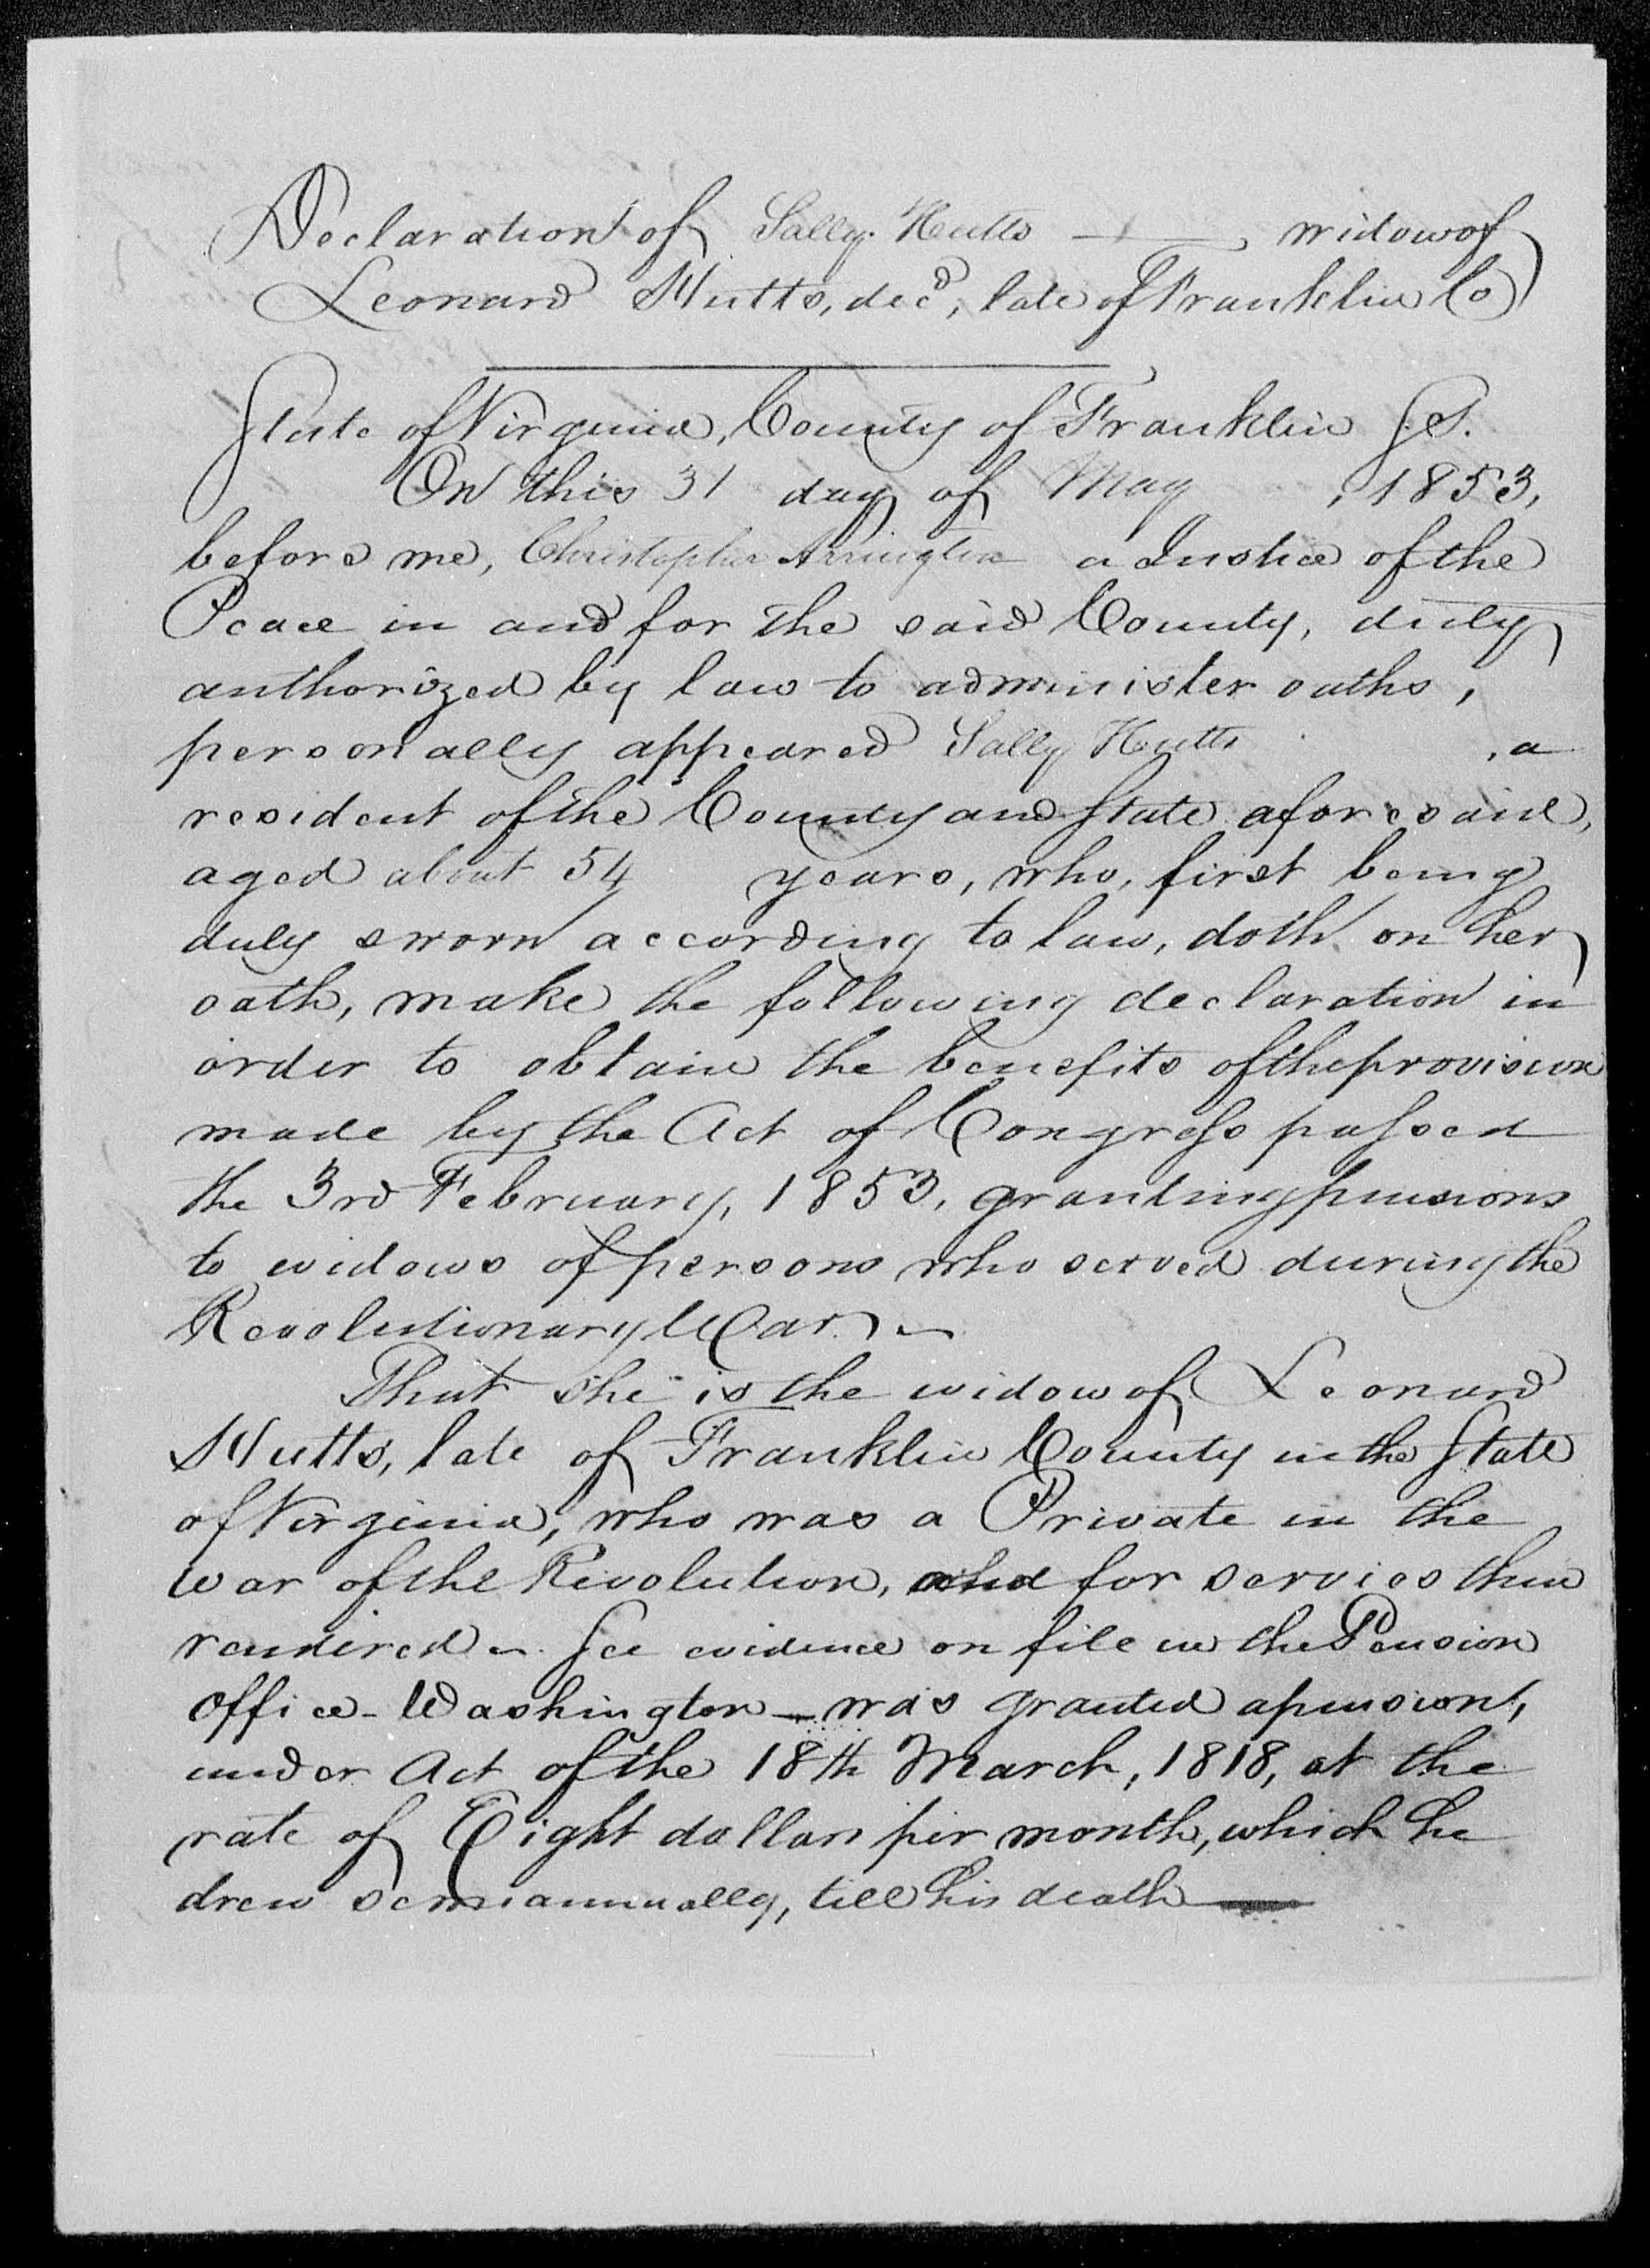Declaration of Sally Hutts – widow of Leonard Hutts, dec’d, late of Franklin Co

State of Virginia, County of Franklin Va
On this 31 day of May 1853, before me, Christopher Arrington a Justice of the Peace  in and for the said County duly authorized by law to administer oaths, personally appeared Sally Hutts a resident of the County and State aforesaid, aged about 54 years, who first being duly sworn according to law, doth on her oath make the following declaration in order to obtain the benefits of the provision made by the Act of Congress passed the 3rd February, 1853, granting pensions to widows of persons who served during the Revolutionary War.
That she is the widow of Leonard Nutts, late of Franklin County in the State of Virginia, who was a Private in the war of the Revolution, and for services then rendered in Sd [said] evidence on file in the Pension Office Washington was granted a pension, under Act of the 18th March, 1818, at the rate of Eight dollars per months, which he drew occasionally till his death -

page: 5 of 33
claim: widow's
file: W. 550, for Leonard Hutts, Virginia